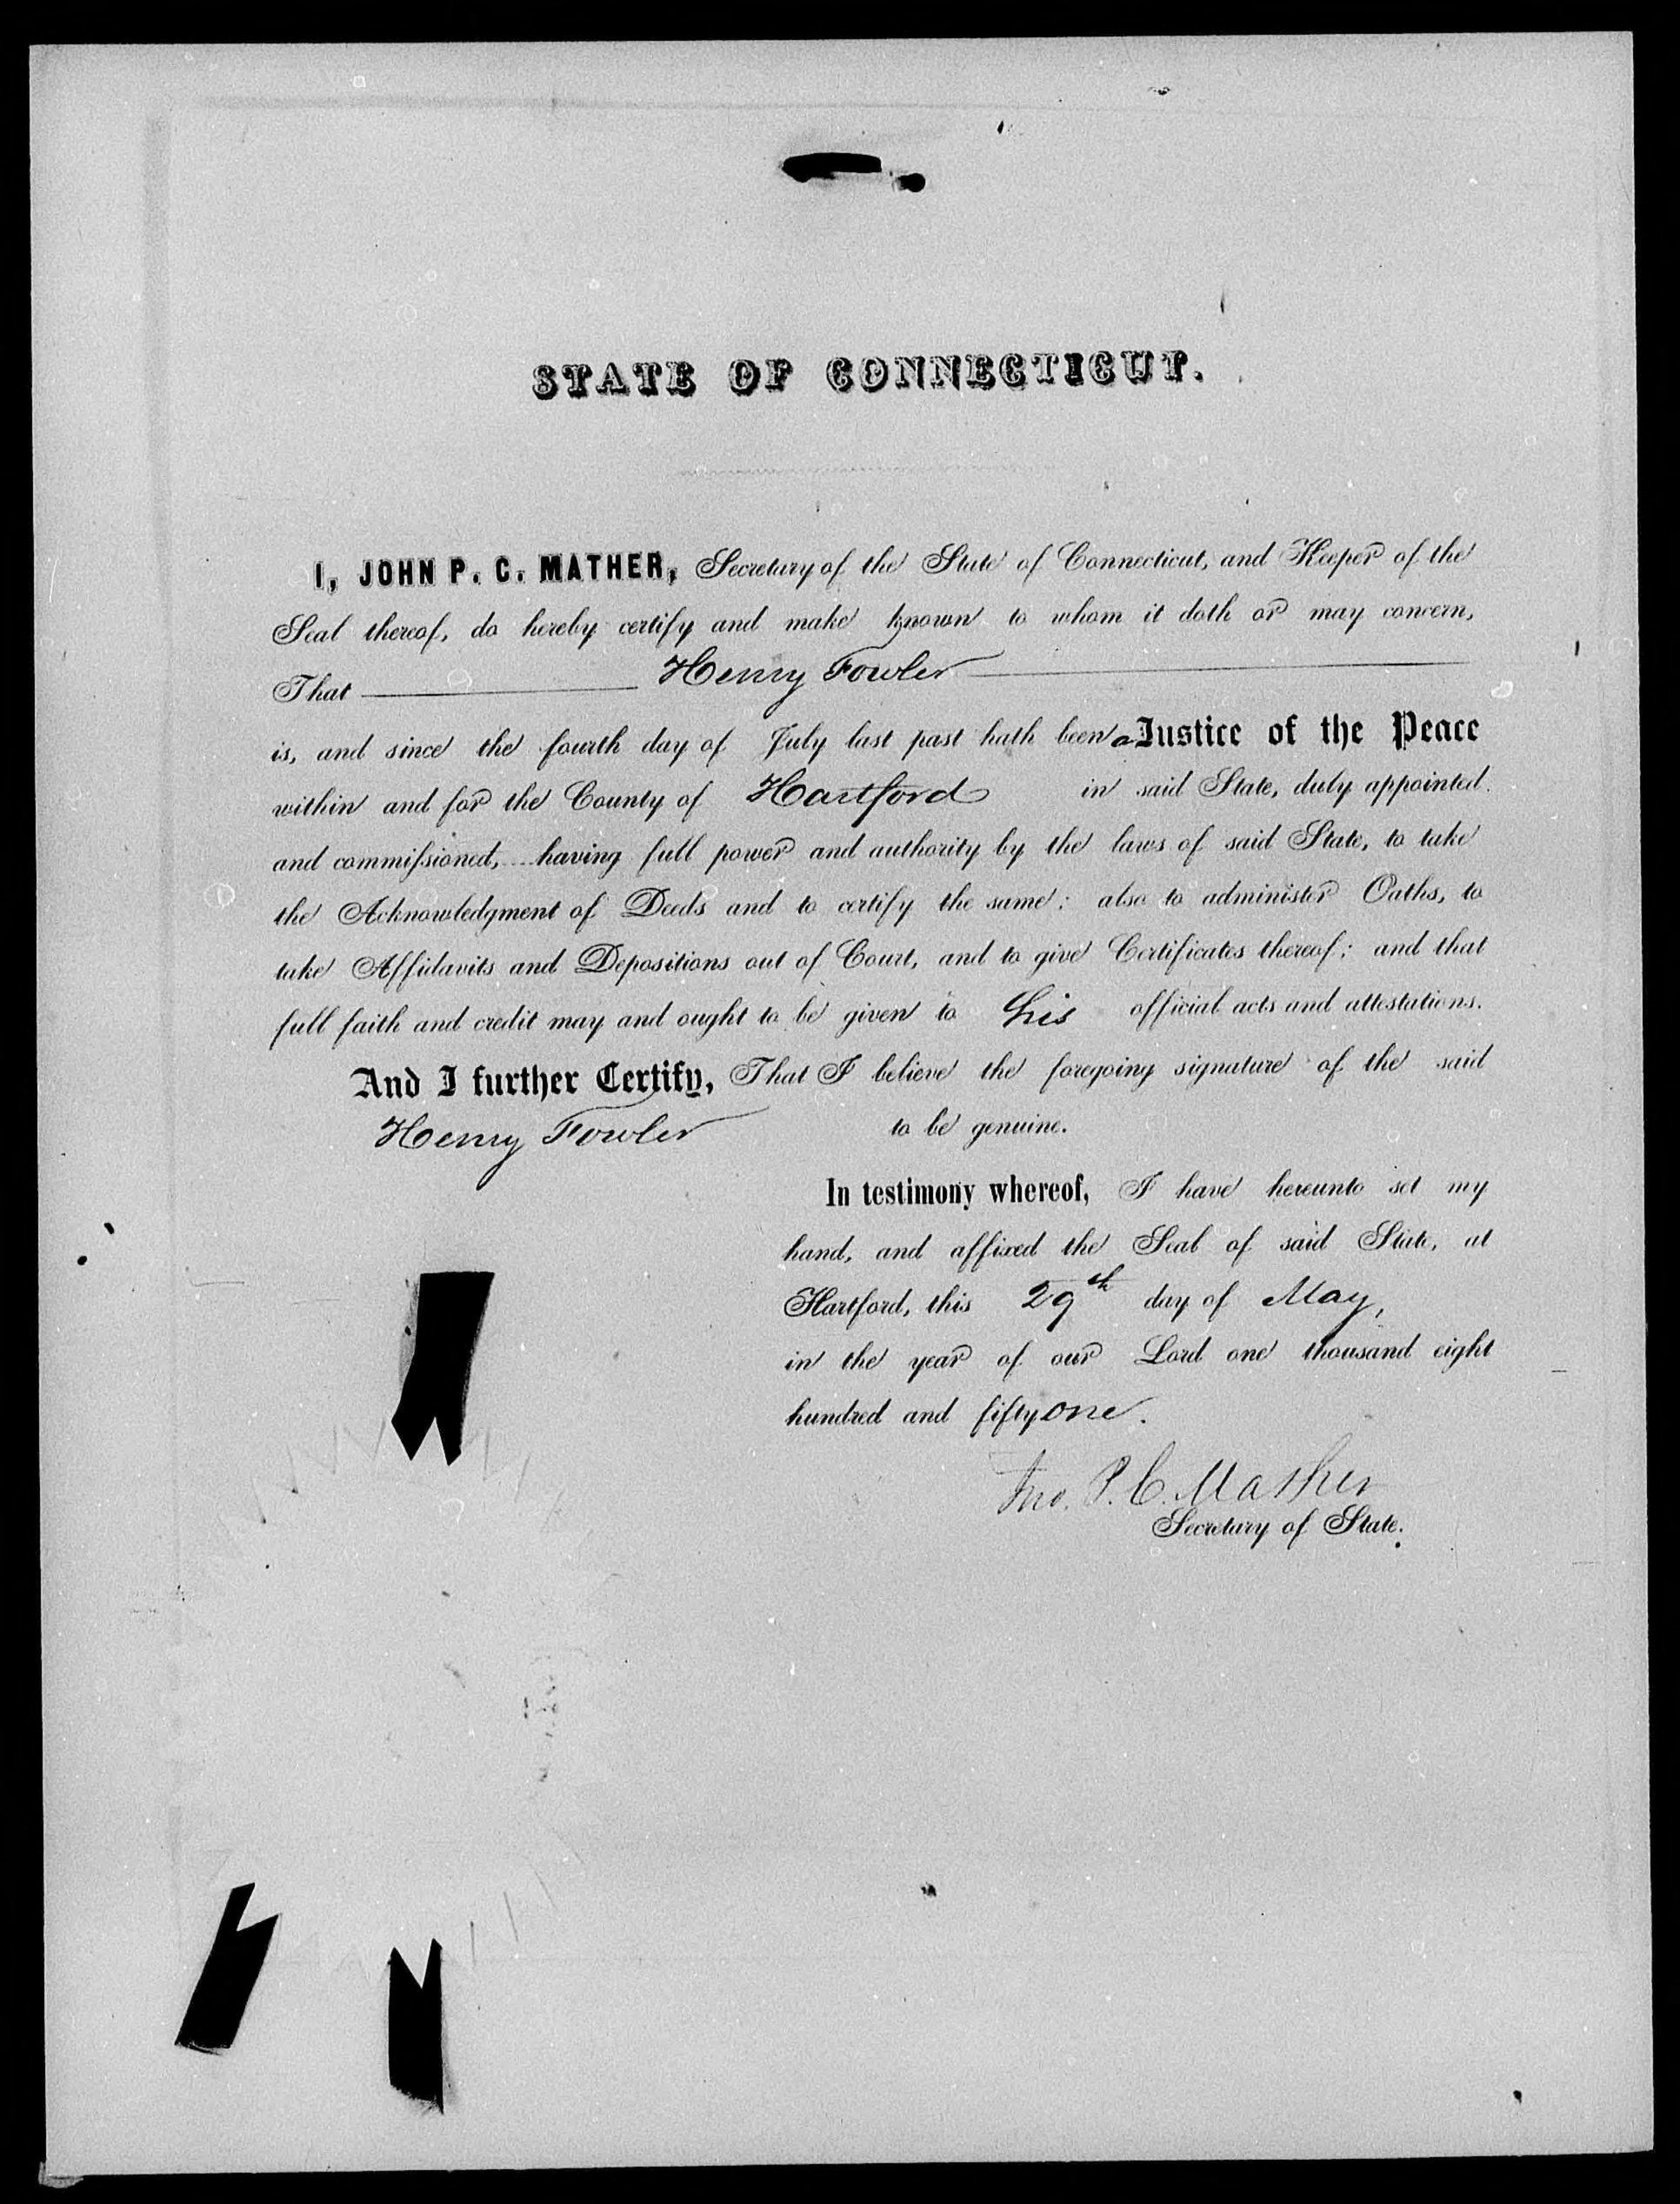STATE OF CONNECTICUT.

I, JOHN P. C. MATHER, Secretary of the State of Connecticut and Keeper of the Seal thereof, do hereby certify and make known to whom it doth or may concern, That Henry Fowler is, and since the fourth day of July last past hath been a Justice of the Peace within and for the County of Hartford in said State, duly appointed and commissioned, having full power and authority by the laws of said State, to take the Acknowledgment of Deeds and to certify the same; also to administer Oaths, to take Affidavits and Depositions out of Court, and to give Certificates thereof; and that full faith and credit may and ought to be given to his official acts and attestations.

And I further Certify, That I believe the foregoing signature of the said Henry Fowler to be genuine.

In testimony whereof, I have hereunto set my hand, and affixed the Seal of said State, at
Hartford, this 29th day of May,
in the year of our Lord one thousand eight
hundred and fifty one.
Jn. P. C. Mather
Secretary of State.

[At lower left, a circular seal with serrated edges is affixed over what appear to be ribbons]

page: 17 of 47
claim: widow's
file: W. 17879, for Seth Strong, Connecticut